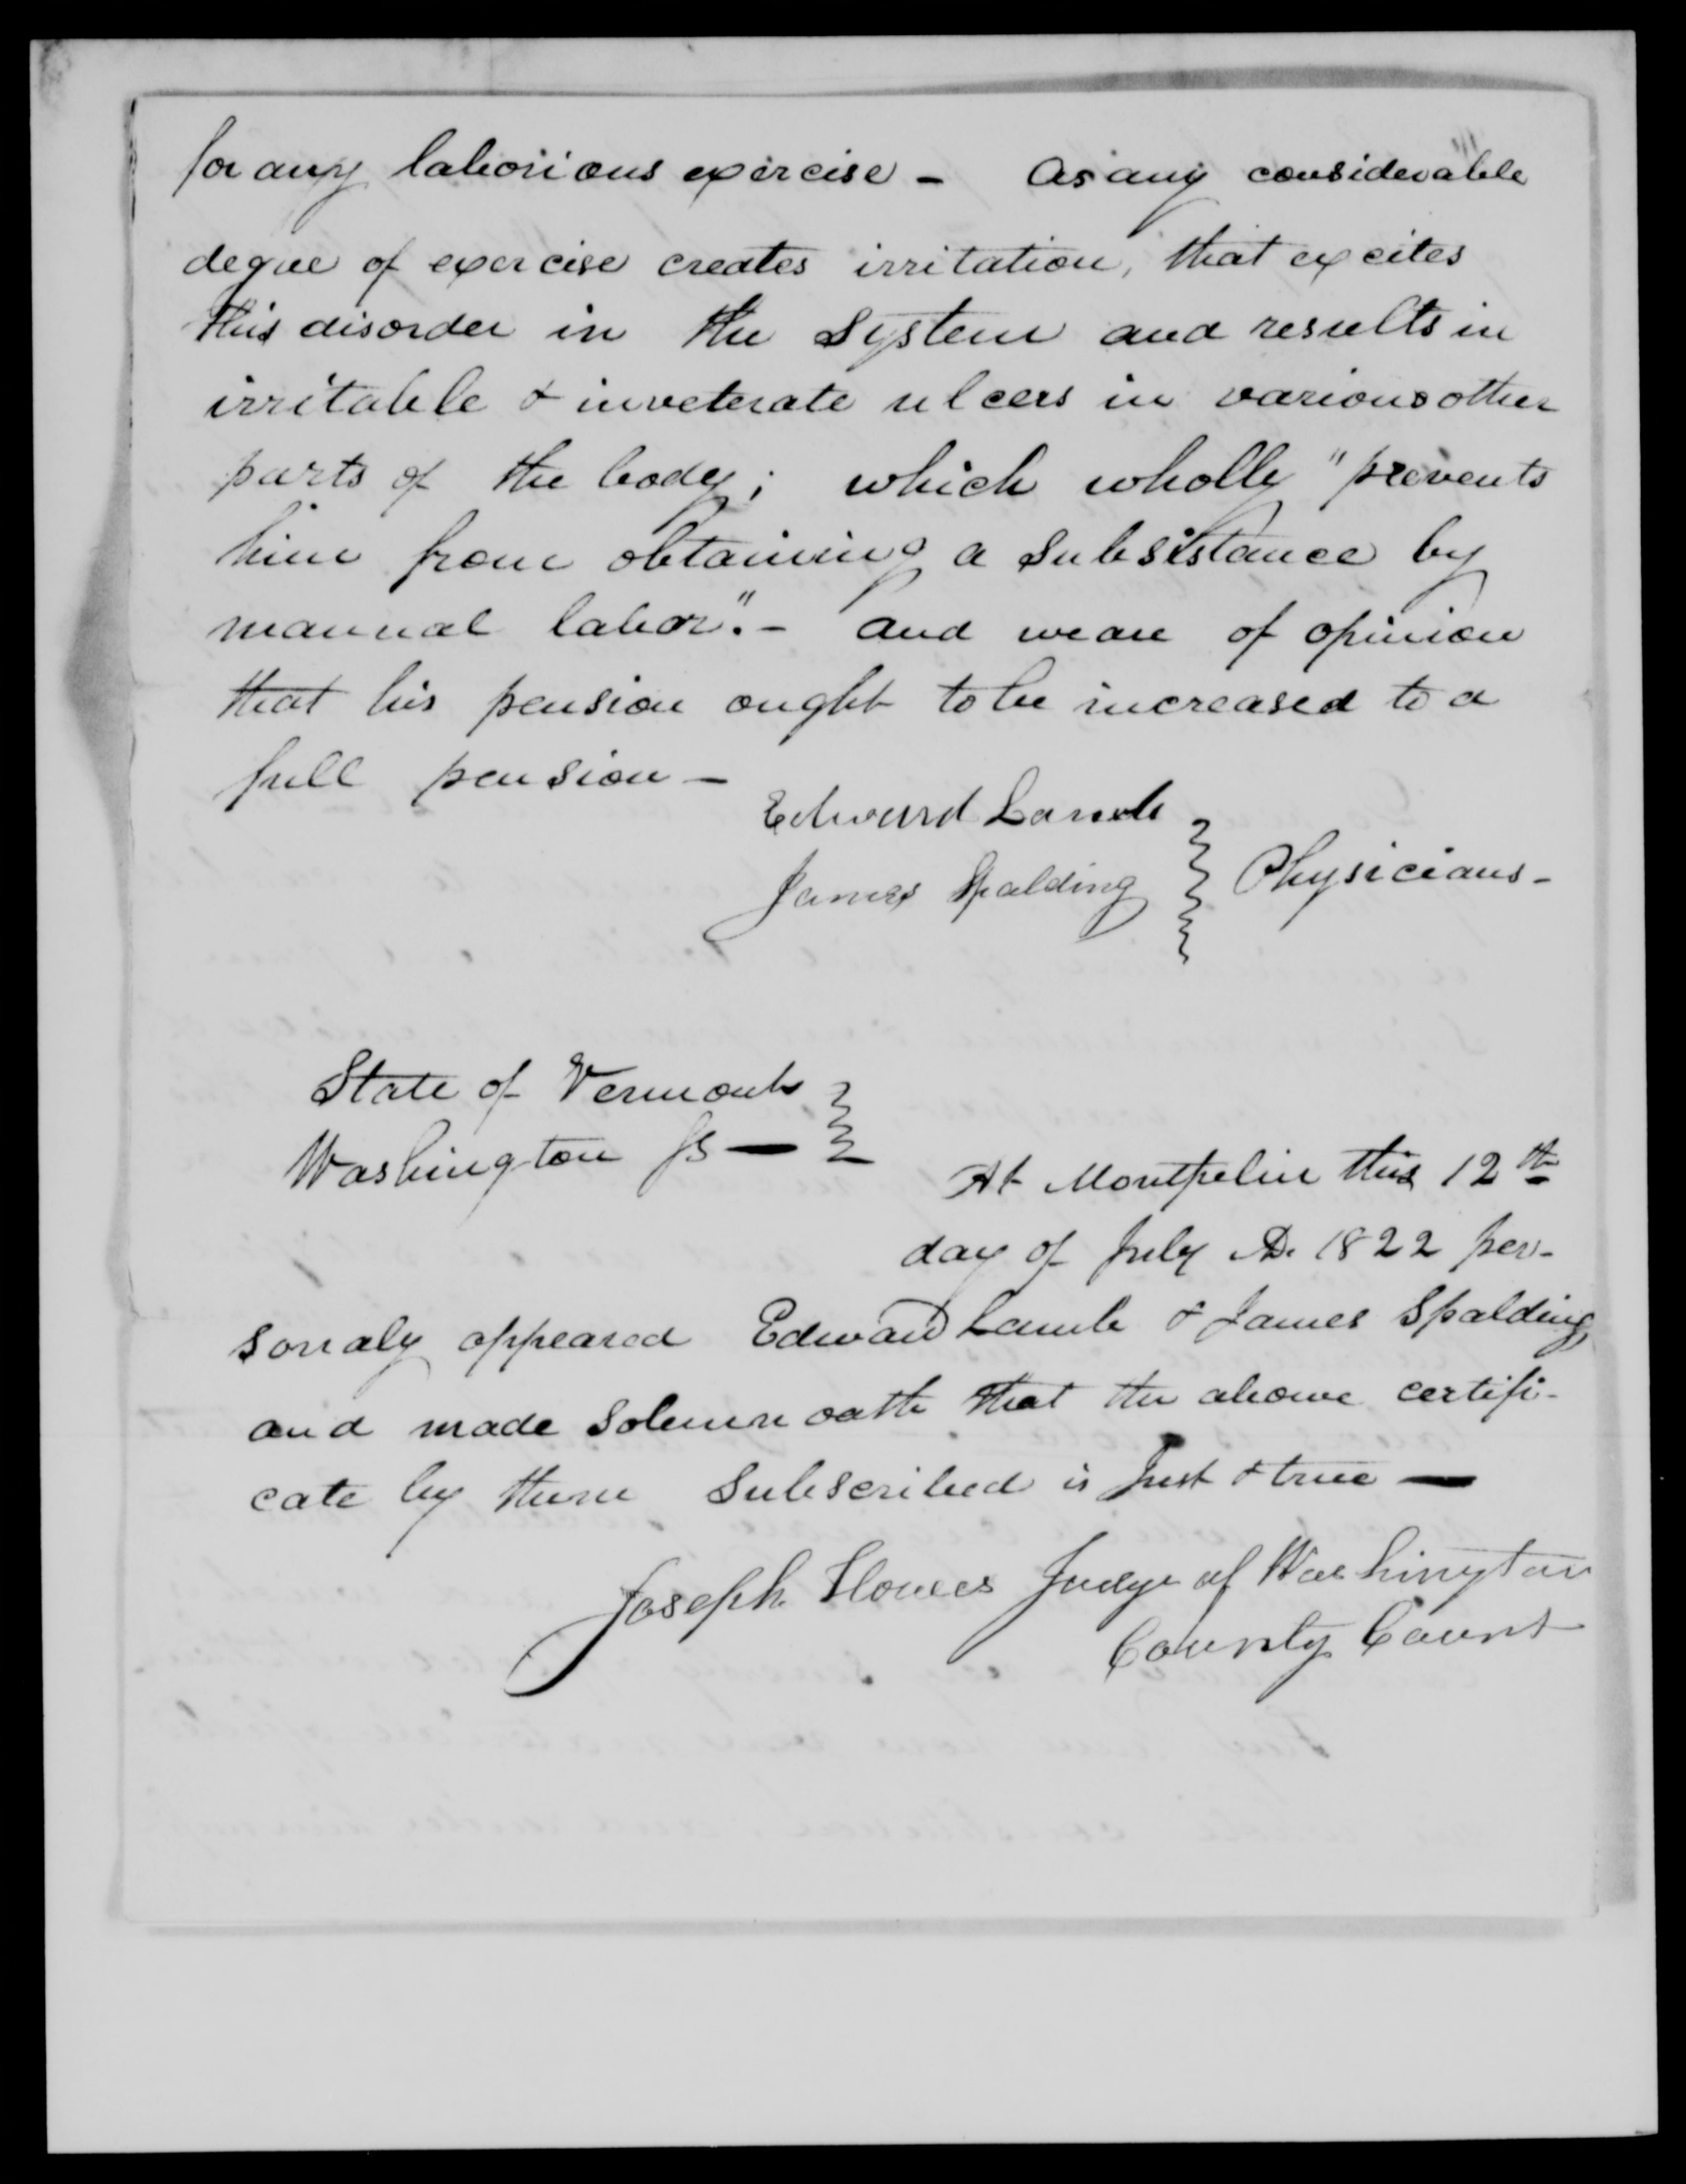for any laborious exercise. As any considerable degree of exercise creates irritation, that excites this disorder in the system and results in irritable & inveterate ulcers in various other parts of the body, which wholly "prevents him from obtaining a subsistance by manual labor", and we are of opinion that his pension ought to be increased to a full pension.
Edward Lamb
James Spalding     Physicians

State of Vermont
Washington SS
At Montpelier this 12th day of July AD. 1822 personally appeared Edward Lamb & James Spalding and made solemn oath that the above certificate by these subscribers is just & true.
Joseph Howes Judge of Washington County Court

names: Joseph Howes, James Spalding, Edward Lamb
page: 39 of 79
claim: survivor's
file: S. 11759, Samuel White, Mass.